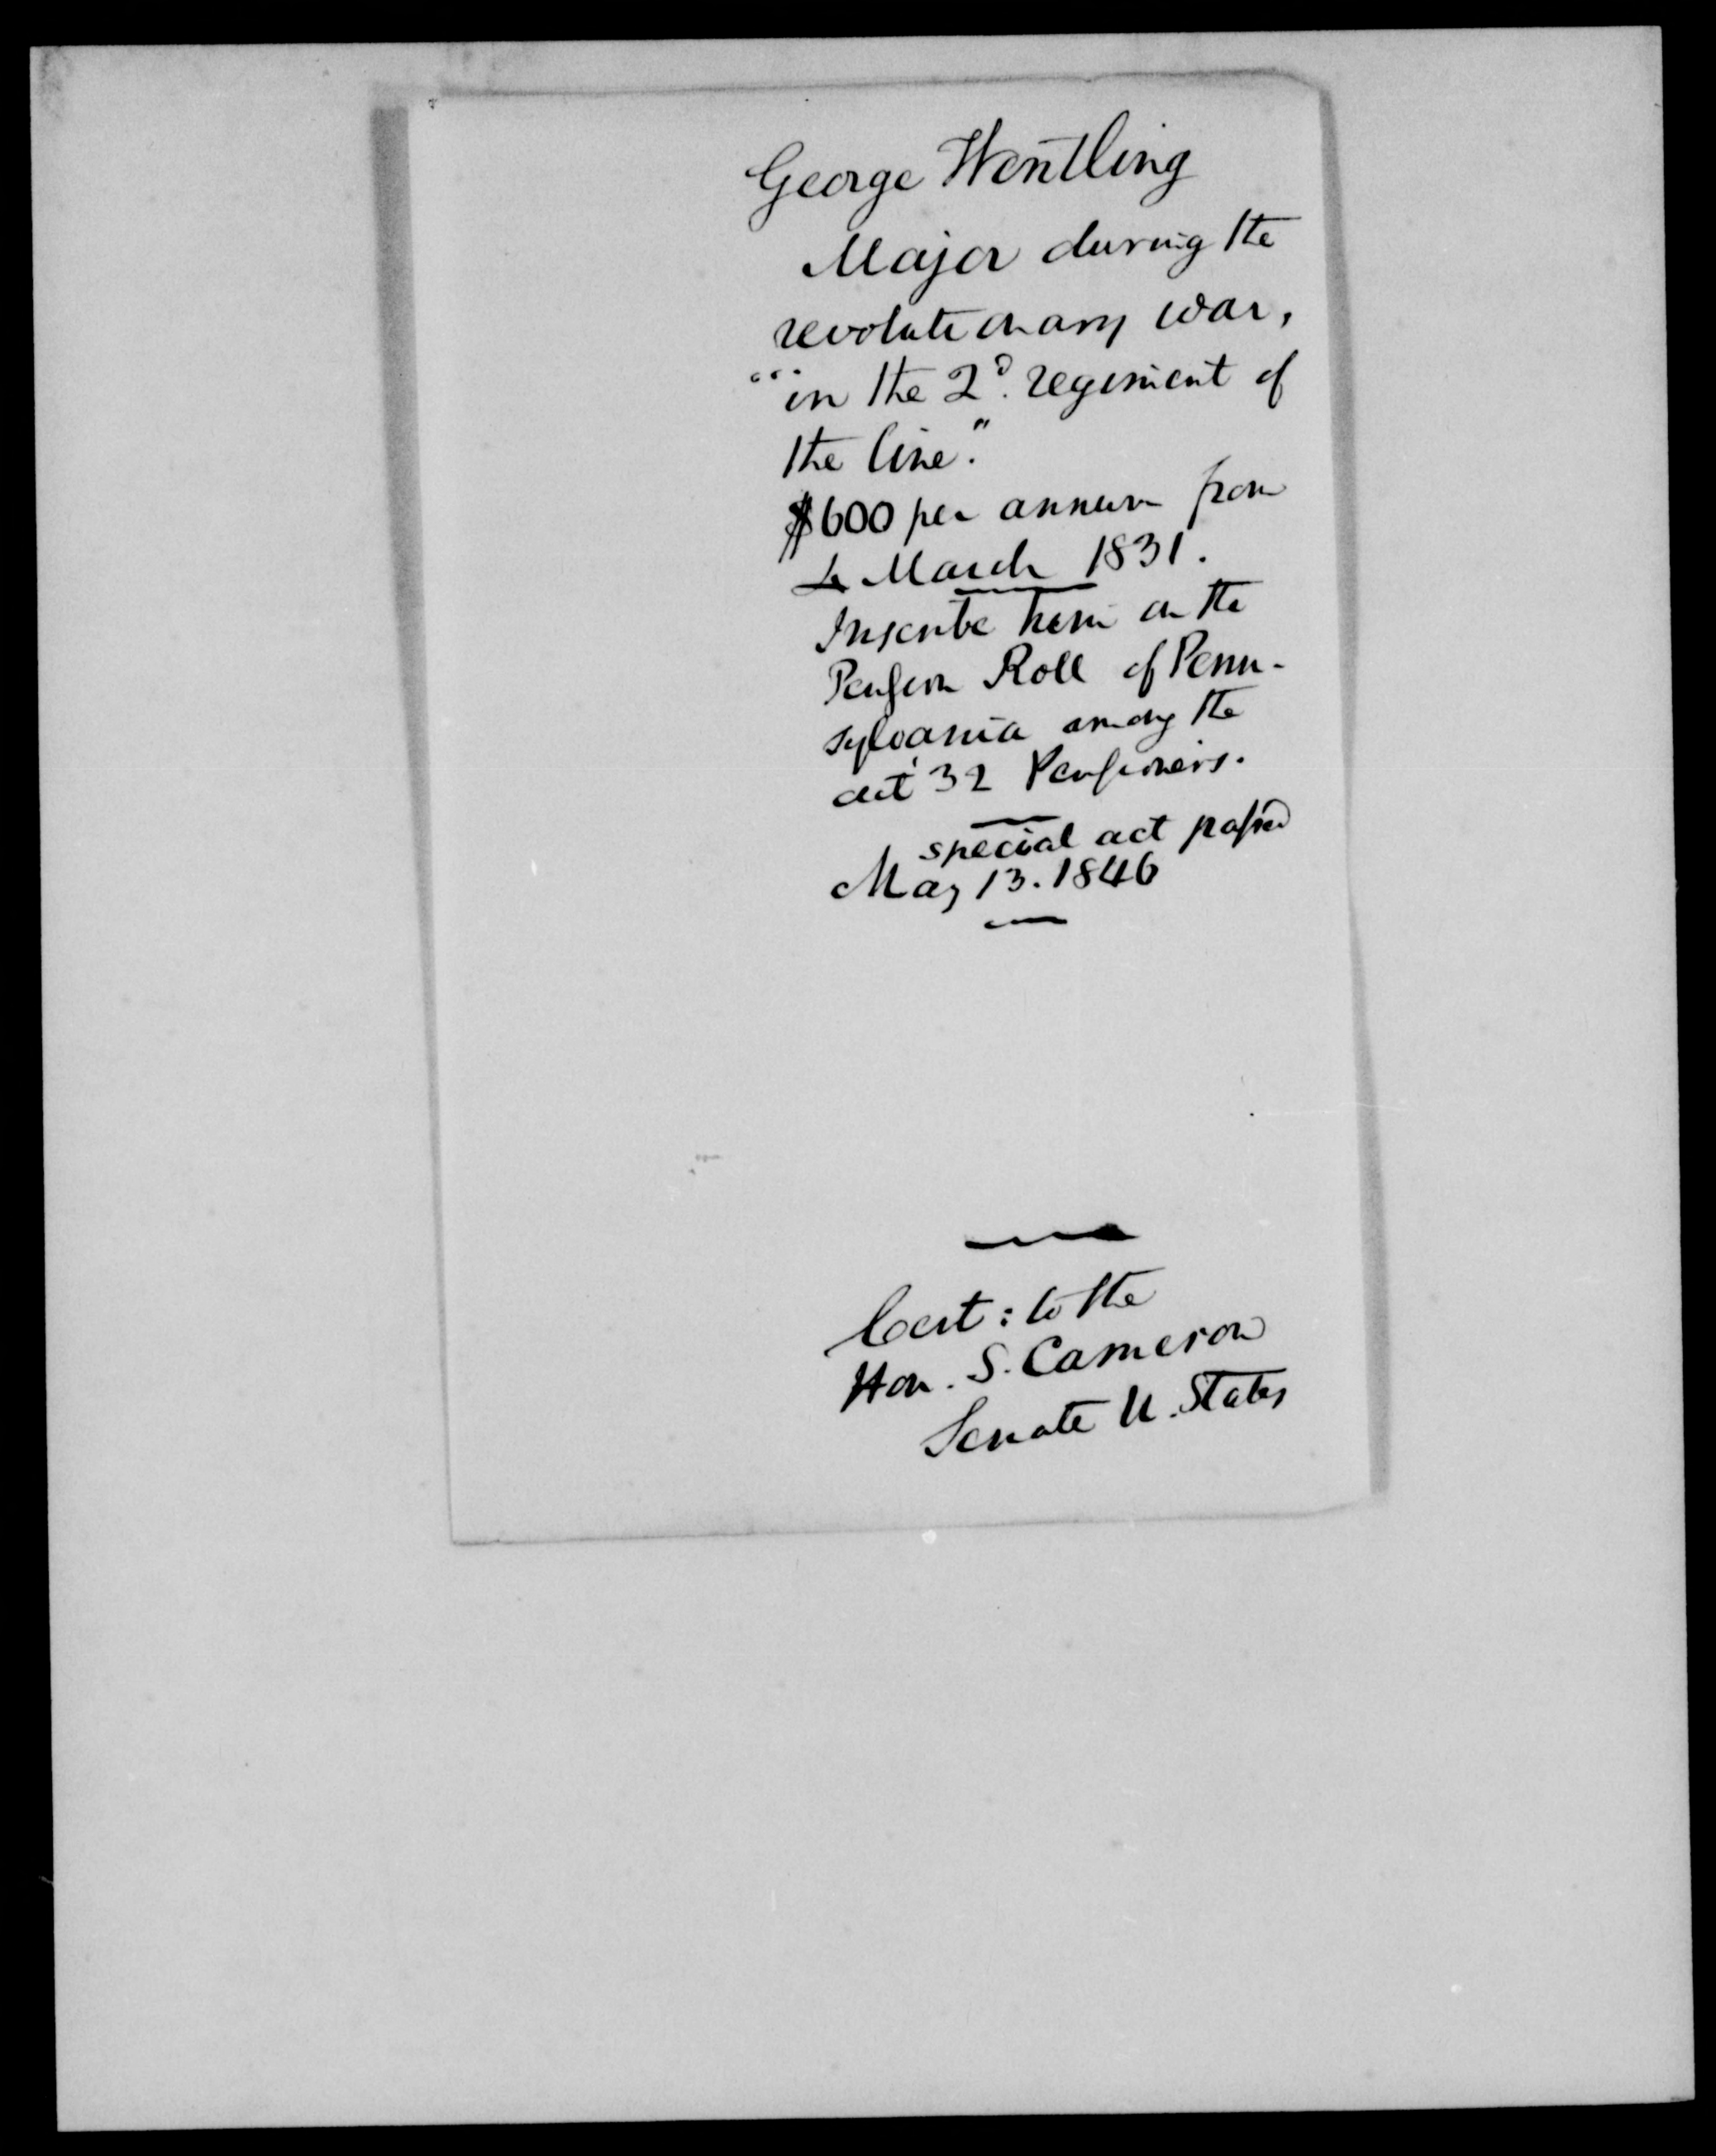George Wentling
Major during the revolutionary war, in the 2nd regiment of the line."

$600 per annum from 4 March 1831.
Inscribe him on the Pension Roll of Pennsylvania army the act '32 Pensioners.
----------
special act passed 
May 13, 1846




-----------
Cert: to the 
Hon. S. Cameron
Senate U. States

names: S Cameron, George Wentling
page: 18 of 68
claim: survivor's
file: S. 6,358, George Wentling, Penn.